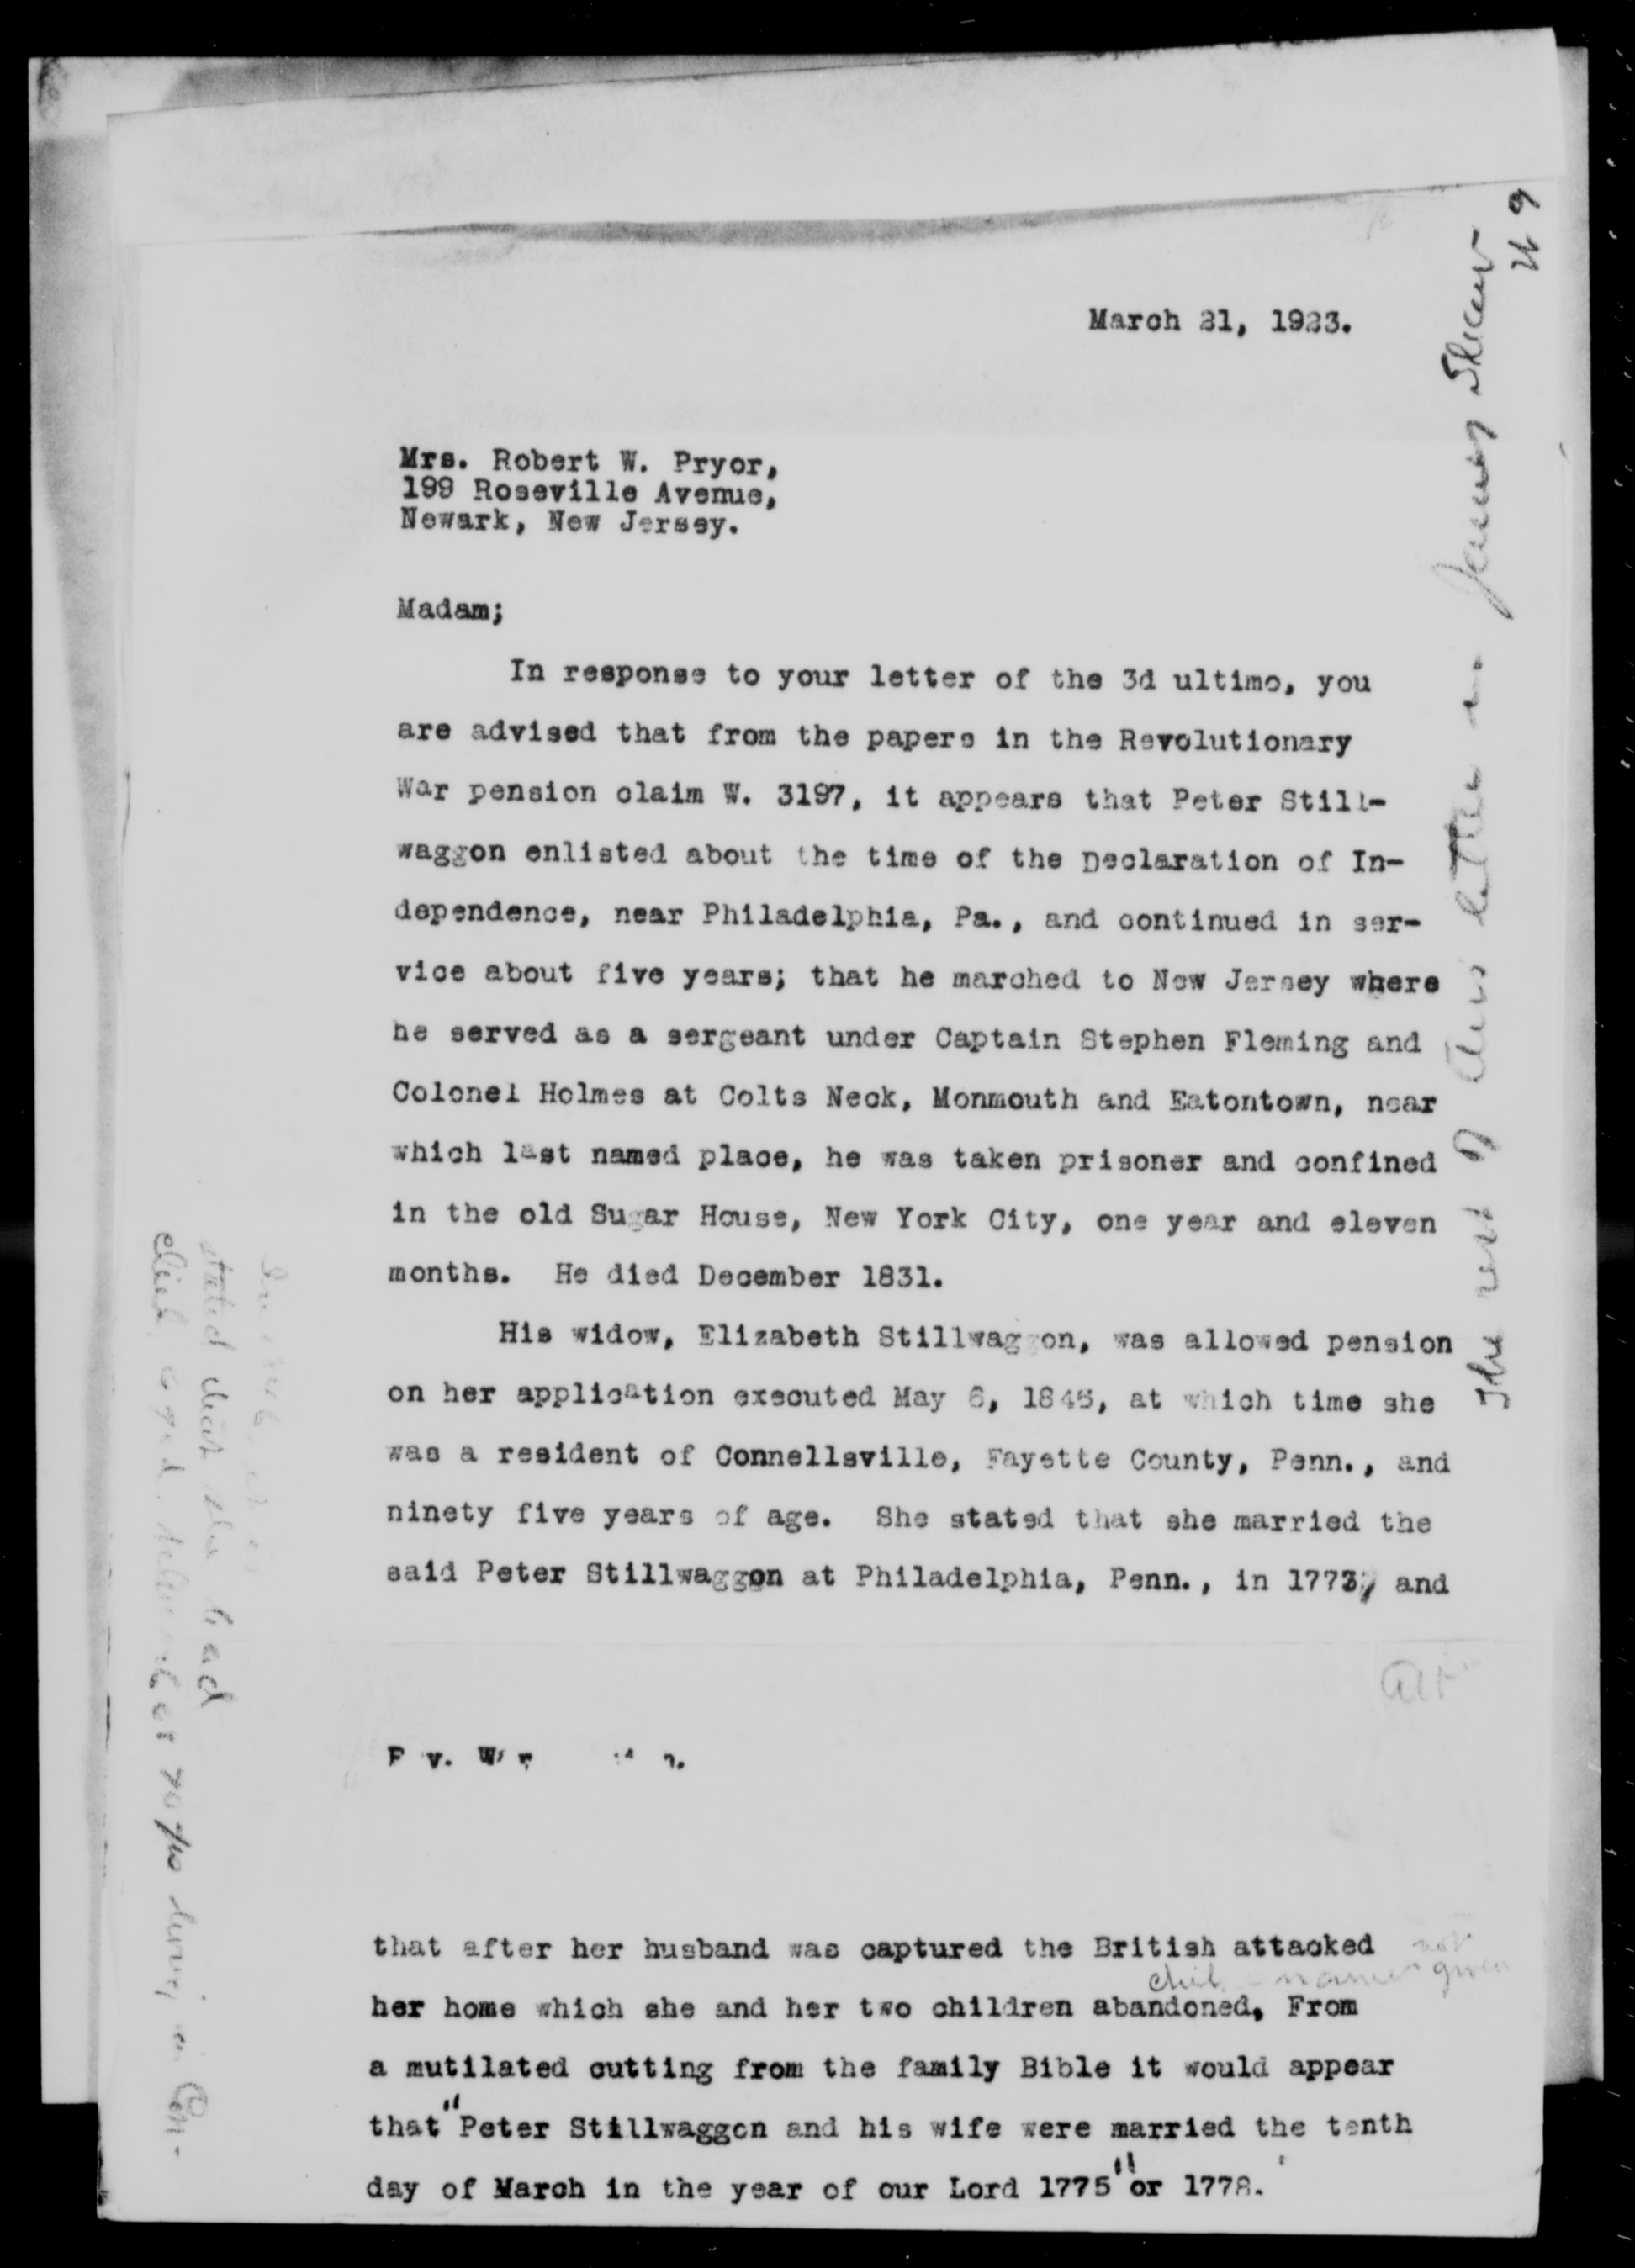[left side, handwritten, possibly with pencil and very light, vertically]
[illegible words]
Stated that she had 
[illegible several words] at 70 [illegible] during [illegible]
[handwritten vertically on the right side]
The rest of this letter in James Siecey [illegible ?initials]

March 21, 1923

Mrs. Robert W. Pryor,
199 Roseville Avenue,
Newark, New Jersey

Madam:

In response to your letter of the 3d ultimo, you are advised that from the papers in the Revolutionary War pension claim W.3197, it appears that Peter Stillwaggon enlisted about the time of the Declaration of Independence, near Philadelphia., and continued in service about five years; that he marched to New Jersey where he served as a sergeant under Captain Stephen Fleming and Colonel Holmes at Colts Neck, Monmouth and Eatontown, near which last named place, he was taken prisoner and confined in the old Sugar House, New York City, one year and eleven months. He died December 1831.

His widow, Elizabeth Stillwaggon, was allowed pension on her application executed May 6, 1845, at which time she was a resident of Connellsville, Fayette County, Penn., and ninety five years of age. She stated that she married the said Peter Stillwaggon at Philadelphia, Penn., in 1773 and that after her husband was captured the British attached her home which she and her two children abandoned, [inserted in pencil? Chil [illegible]]. From a mutilated cutting from the family Bible it would appear that “Peter Stillwaggon and his wife were married the tenth day of March in the year of our Lord 1775” or 1778.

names: James Slecey; Peter Stillwaggon; Elizabeth Stillwaggon; Peter Stillwaggon; Peter Stillwaggon; Stephen Fleming; [BLANK] Holmes; Robert W Pryor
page: 66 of 73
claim: widow's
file: W. 3197, for Peter Stillwagon, New Jersey